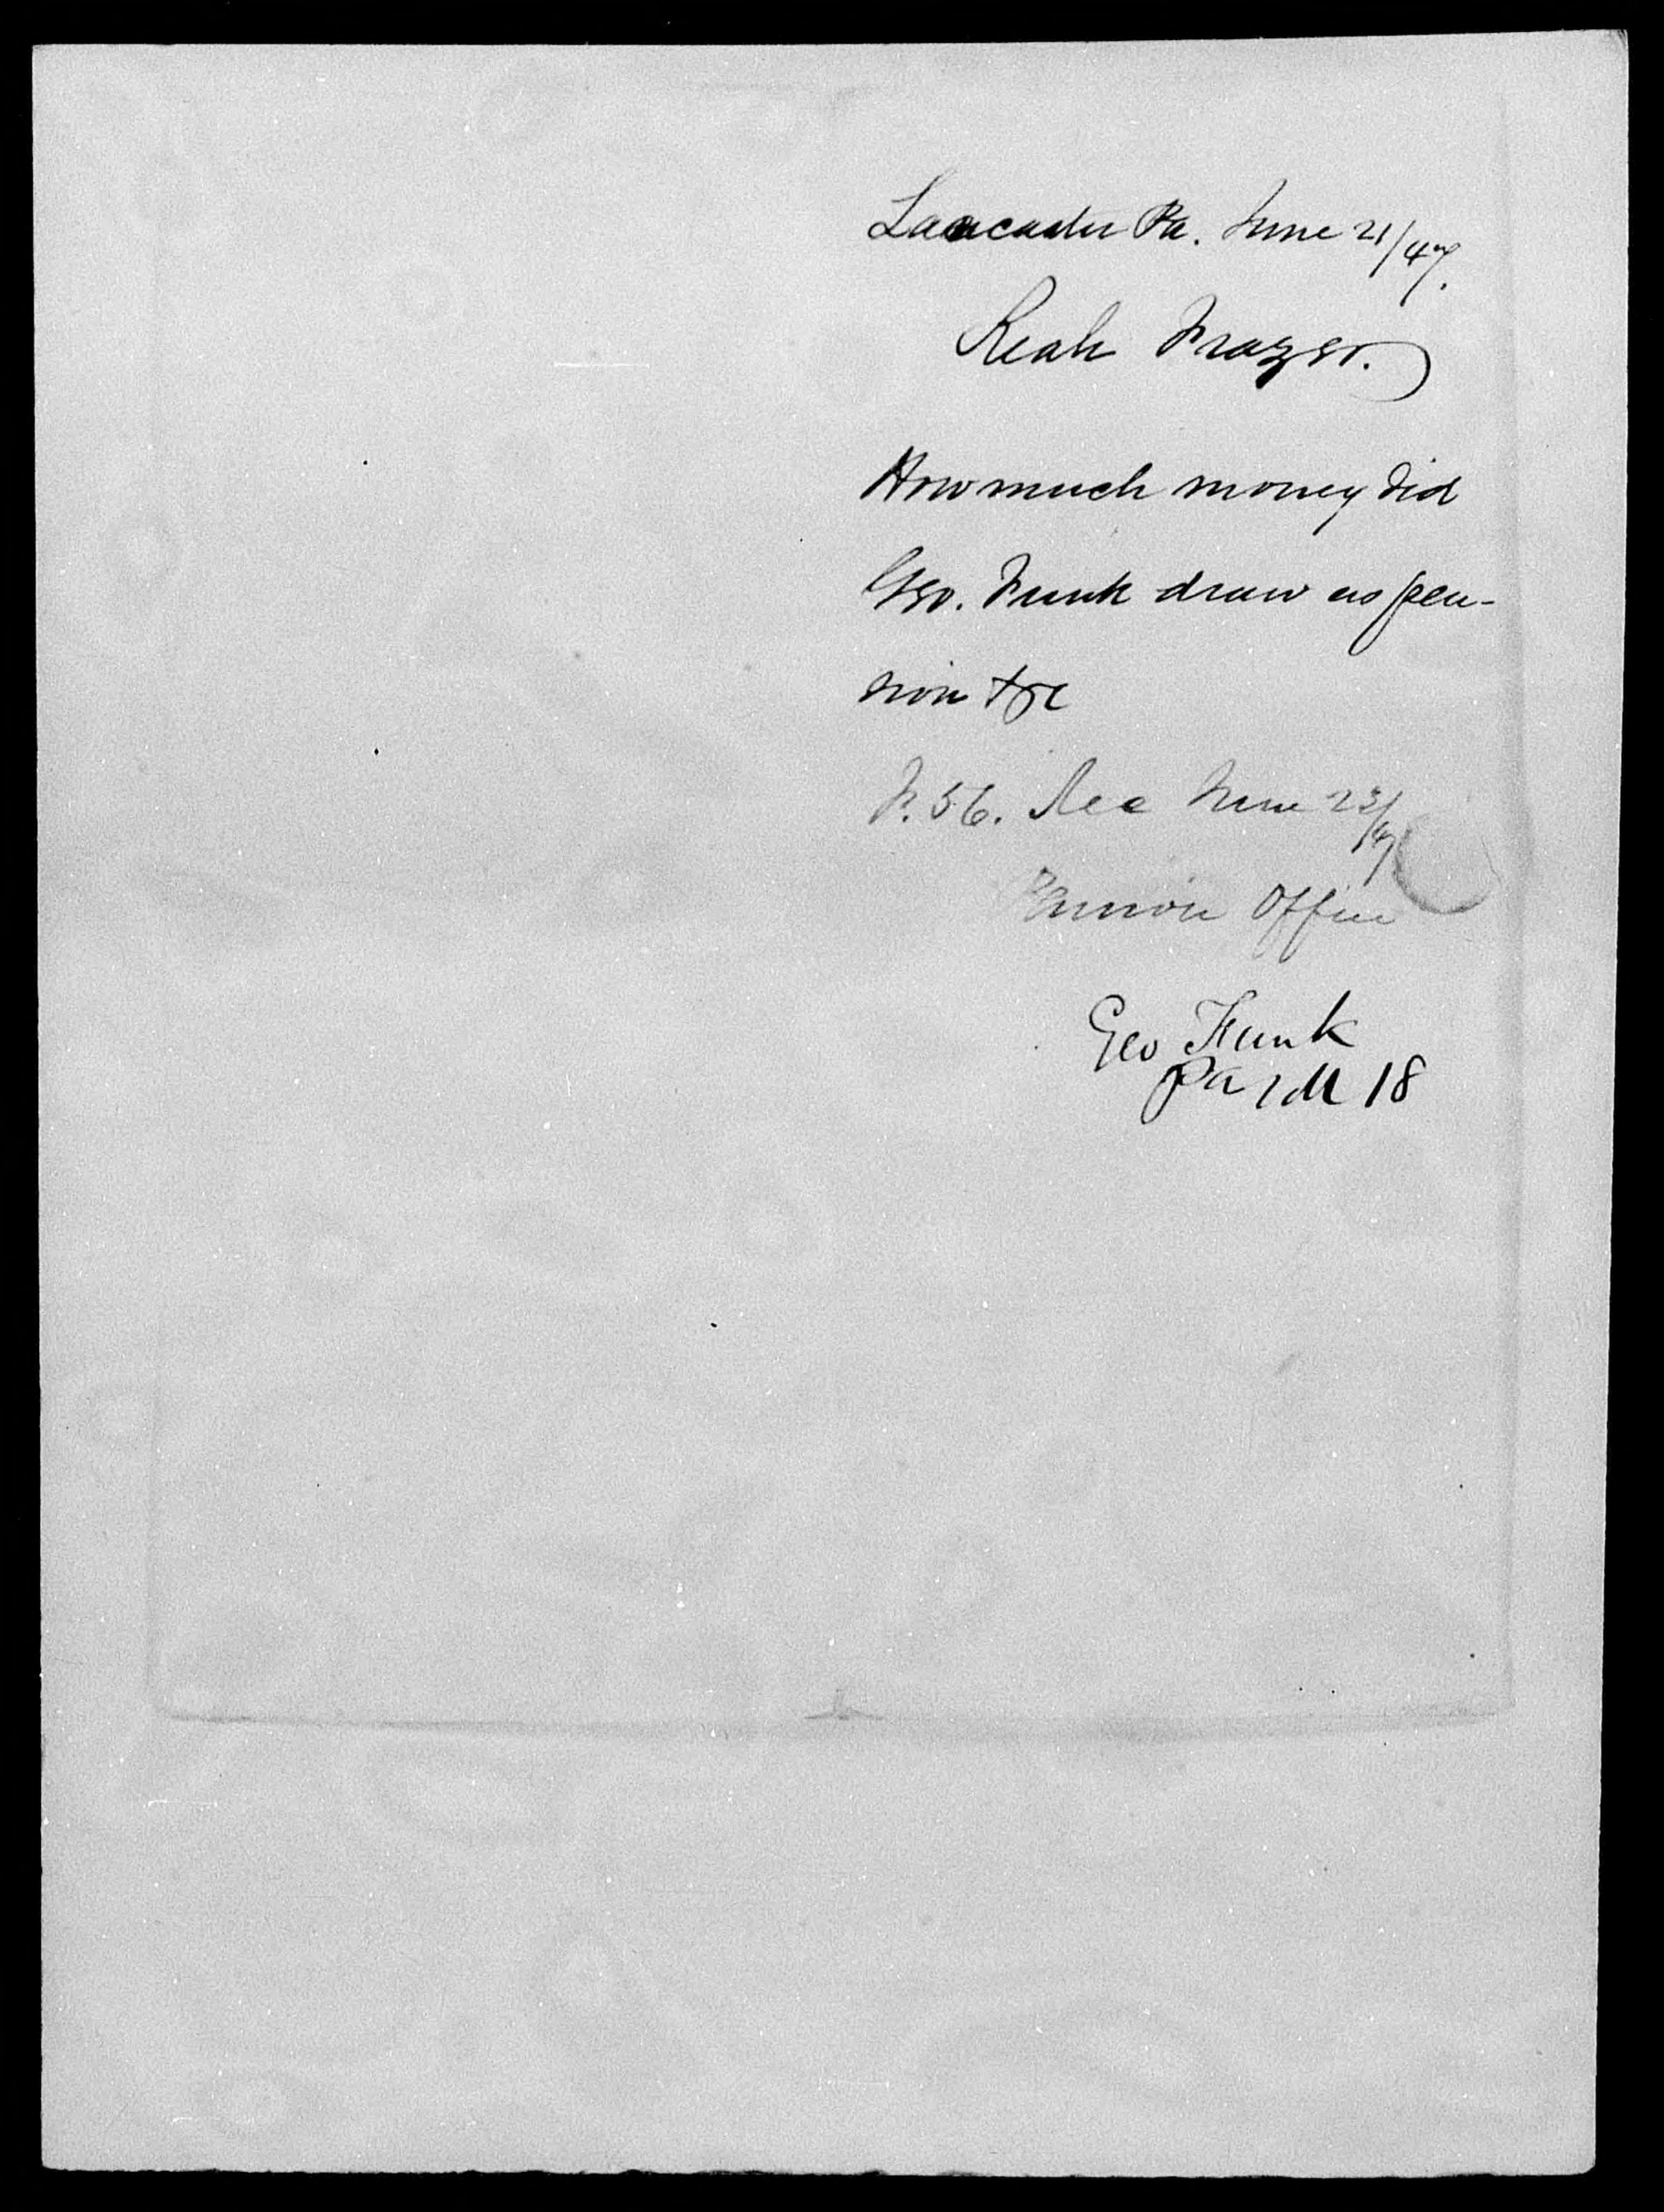Lancaster Pa. June 21, 1847
Reah Frazer
How much money did Geo. Funk draw as pension?
F.56. Rec. June 25, 1847
Pension Office
Geo Funk
Paid 18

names: Geo Funk, Reah Frazer, Geo Funk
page: 4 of 11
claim: survivor's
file: S. 41553, George Funk, Continental (German Regiment)